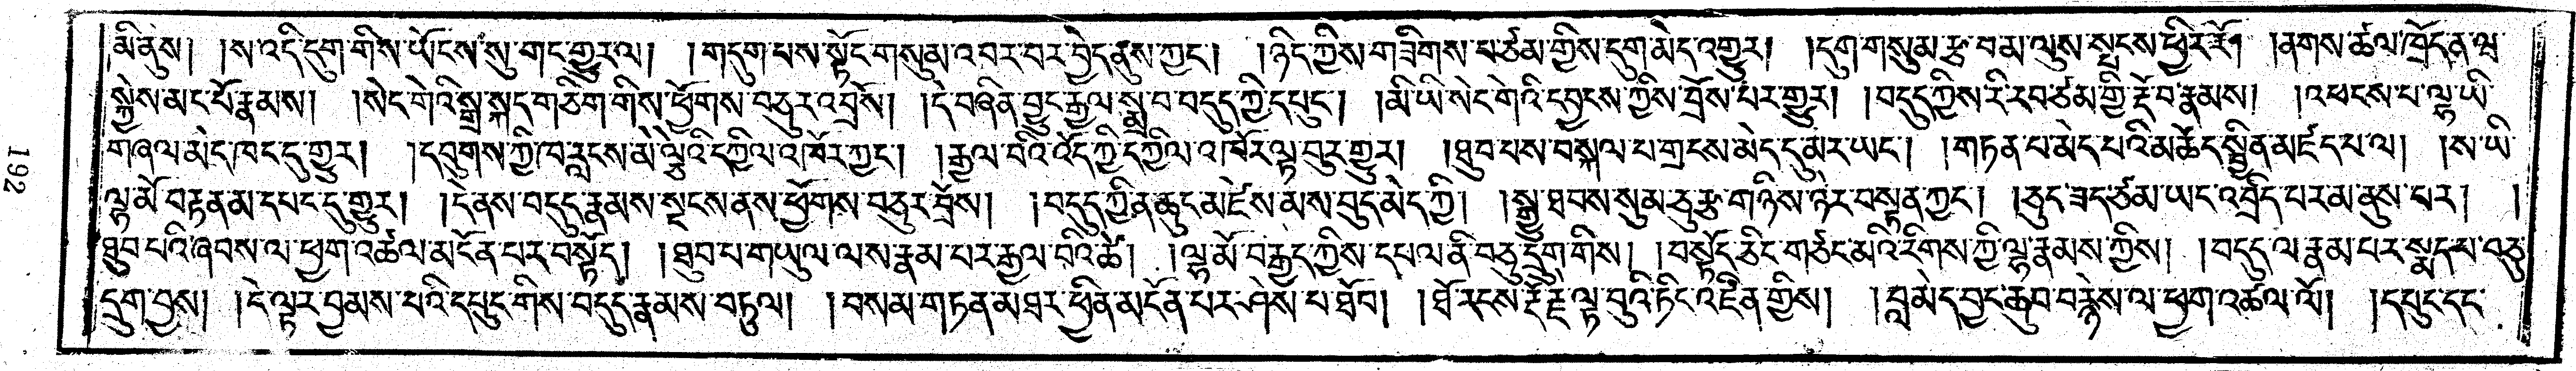མི་ནུས། །ས་འདི་དུག་གིས་ཡོངས་སུ་གང་གྱུར་ལ། །གདུག་པས་སྟོང་གསུམ་འབར་བར་བྱེད་ནུས་ཀྱང་། །ཉིད་ཀྱིས་གཟིགས་པ་ཙམ་གྱིས་དུག་མེད་འགྱུར། །དུག་གསུམ་རྩ་བ་མ་ལུས་སྤངས་ཕྱིར་རོ། །ནགས་ཚལ་ཁྲོད་ན་ཝ་
སྐྱེས་མང་པོ་རྣམས། །སེང་གེའི་སྒྲ་སྐད་གཅིག་གིས་ཕྱོགས་བཅུར་འབྲོས། །དེ་བཞིན་བྱུང་རྒྱལ་སྨྲ་བ་བདུད་ཀྱི་དཔུང་། །མི་ཡི་སེང་གེའི་དབྱངས་ཀྱིས་བྲོས་པར་གྱུར། །བདུད་ཀྱིས་རི་རབ་ཙམ་གྱི་རྡོ་བ་རྣམས། །འཕངས་པ་ལྷ་ཡི་
གཞལ་མེད་ཁང་དུ་གྱུར། །དབུགས་ཀྱི་ཁ་རླངས་མེ་ལྕེའི་དཀྱིལ་འཁོར་ཀྱང་། །རྒྱལ་བའི་འོད་ཀྱི་དཀྱིལ་འཁོར་ལྟ་བུར་གྱུར། །ཐུབ་བས་བསྐལ་པ་གྲངས་མེད་དུ་མར་ཡང་། །གཏན་པ་མེད་པའི་མཆོད་སྦྱིན་མཛད་པ་ལ། །ས་ཡི་
ལྷ་མོ་བརྟན་མ་དཔང་དུ་གྱུར། །དེ་ནས་བདུད་རྣམས་སྔངས་ནས་ཕྱོགས་བཅུར་བྲོས། །བདུད་ཀྱི་ན་ཆུང་མཛེས་མས་བུད་མེད་ཀྱི། །སྒྱུ་ཐབས་སུམ་ཅུ་རྩ་གཉིས་ཉེར་བསྟན་ཀྱང་། །ཅུང་ཟད་ཙམ་ཡང་འབྲིད་པར་མ་ནུས་པར། །
ཐུབ་པའི་ཞབས་ལ་ཕྱག་འཚལ་མངོན་པར་བསྟོད། །ཐུབ་བ་གཡུལ་ལས་རྣམ་པར་རྒྱལ་བའི་ཚེ། །ལྷ་མོ་བརྒྱད་ཀྱིས་དཔལ་ནི་བཅུ་དྲུག་གིས། །བསྟོད་ཅིང་གཙང་མའི་རིགས་ཀྱི་ལྷ་རྣམས་ཀྱིས། །བདུད་ལ་རྣམ་པར་སྨད་པ་བཅུ་
དྲུག་བྱས། །དེ་ལྟར་བྱམས་པའི་དཔུང་གིས་བདུད་རྣམས་བཏུལ། །བསམ་གཏན་མཐར་ཕྱིན་མངོན་པར་ཤེས་པ་ཐོབ། །ཐོ་རངས་རྡོ་རྗེ་ལྟ་བུའི་ཏིང་འཛིན་གྱིས། །བླ་མེད་བྱང་ཆུབ་བརྙེས་ལ་ཕྱག་འཚལ་ལོ། །དཔུང་དང་